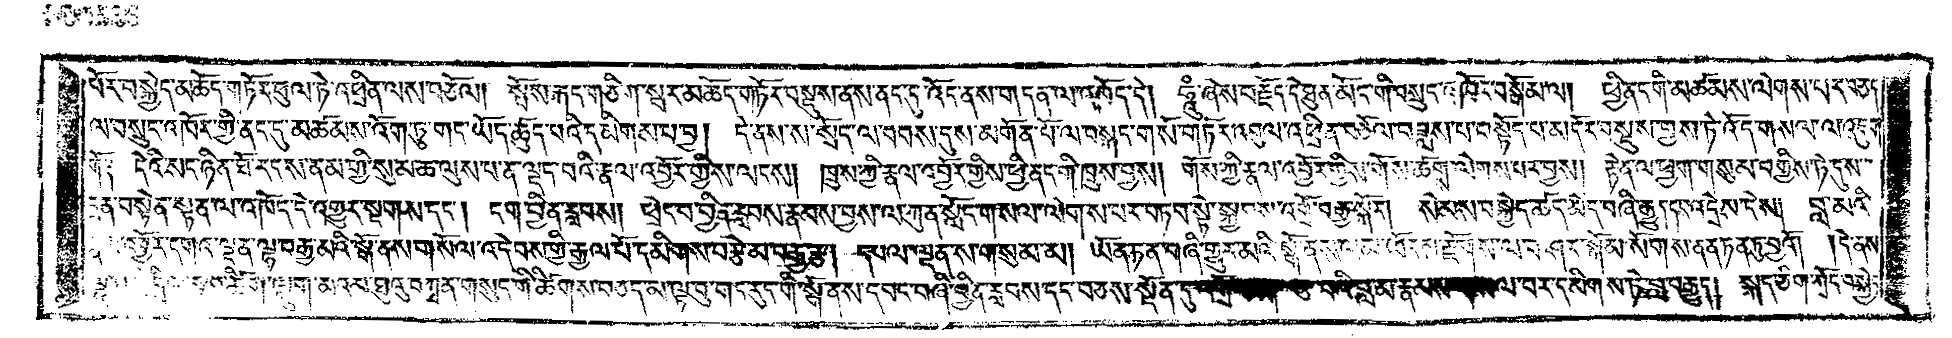པོར་བསྐྱེད་མཆོད་གཏོར་ཕུལ་ཏེ་འཕྲིན་ལས་བཅོལ། སྤོས་རྐང་གཅིག་སྦར་མཆོད་གཏོར་བསྡུས་ནས་ནང་དུ་འོང་ནས་གདན་ལ་འཁོད་དེ། ཧཱུཾ་ཞེས་བརྗོད་དེ་ཐུན་མོང་གི་བསྲུང་འཁོར་བསྒོམ་ལ། ཕྱི་ནང་གི་མཚམས་ལེགས་པར་བཅད་
ལ་བསྲུང་འཁོར་གྱི་ནང་དུ་མཚམས་འོག་ཏུ་གང་ཡོད་ཚུད་པའི་དམིགས་པ་བྱ། དེ་ནས་ས་སྲོད་ལ་བབས་དུས་མགོན་པོ་ལ་བསྐང་གསོ་གཏོར་འབུལ་འཕྲིན་བཅོལ་བཟླས་པ་བསྟོད་པ་མདོར་བསྡུས་བྱས་ཏེ་འདོད་གསལ་ལ་འཇུག་
གོ ༑དེའི་སང་ཉིན་ཐོ་རང་དེས་ནམ་གྱི་སུམ་ཆ་ལུས་པ་ན་ལྡང་བའི་རྣལ་འབྱོར་གྱིས་ལངས། ཁྲུས་ཀྱི་རྣལ་འབྱོར་གྱིས་ཕྱི་ནང་གི་ཁྲུས་བྱས། གོས་ཀྱི་རྣལ་འབྱོར་གྱིས་གོས་ཚགས་ལེགས་པར་བྱས། རྟེན་ལ་ཕྱག་གསུམ་བགྱིས་ཏེ་དུས་
དྲན་བསྟེན་སྟན་ལ་འཁོད་དེ་འགྱུར་སྔགས་དང་། ངག་བྱིན་རླབས། ཕྲེང་བ་བྱིན་རླབས་རྣམས་བྱས་ཀུན་སློང་གསལ་ལེགས་པར་བཏབ་སྟེ་སྐྱབས་འགྲོ་བརྒྱ་སྐོར། སེམས་བསྐྱེད་ཚད་མེད་བཞི་རྒྱུད་དང་འདྲེས་དེས། བླ་མའི་
རྣལ་འབྱོར་དགའ་ལྡན་ལྷ་བརྒྱ་མའི་སྒོ་ནས་གསོལ་འདེབས་ཀྱི་རྒྱལ་བོ་དམིགས་བརྩེ་མ་བརྒྱ་རྩ། དཔལ་ལྡན་ས་གསུམ་མ། ཡོན་ཏན་གཞི་གྱུར་མའི་སྒོ་ནས་ལམ་ཡོངས་རྫོགས་ལ་བཤར་སྒོམ་སོགས་ནན་ཏན་ཏུ་བྱའོ། །དེས་ནས་
ལྷ་བཞི་དྲིལ་སྒྲུབ་ཚིག་ལྷུག་མའམ་ཐུའུ་བཀྭན་གསུང་གི་ཚིགས་བཅད་མ་ལྟ་བུ་གང་རུང་གི་སྒོ་ནས་དབང་བཞི་བྱིན་རླབས་དང་བཅས་སྔོན་དུ་འགྲོ་བས། རྩ་བའི་བླ་མ་རྣམས་གསལ་བར་དམིགས་ཏེ་བླ་བརྒྱུད། སྐད་ཅིག་ཀྲོད་བསྐྱེ་